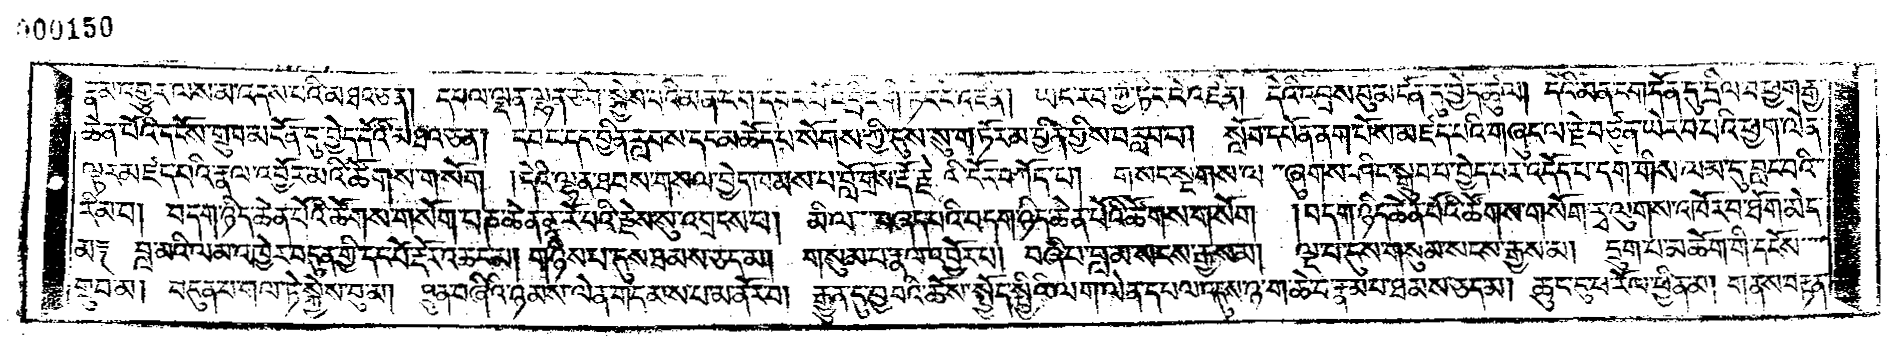རྣམ་འགྱུར་ལས་མ་འདས་པའི་མཐའ་ཅན། དཔལ་ལྡན་ལྷན་ཅིག་སྐྱེས་པའི་མན་ངག་དབང་པོ་འབྲིང་གི་ཏིང་ངེ་འཛིན། ཡང་རབ་ཀྱི་ཏིང་ངེ་འཛིན། དེའི་འབྲས་བུ་མངོན་དུ་བྱེད་ཚུལ། དེའི་མན་ངག་དོན་དུ་དྲིལ་བ་ཕྱག་རྒྱ་
ཆེན་པོའི་དངོས་གྲུབ་མངོན་དུ་བྱེད་དོའི་མཐའ་ཅན། དབང་དང་བྱིན་རླབས་དང་མཆོད་པ་སོགས་ཀྱི་དུས་སུ་གཏོར་མ་བྱིན་གྱིས་བརླབ་པ། སློབ་དཔོན་ནག་པོས་མཛད་པའི་གཞུང་ལ་རྗེ་བཙུན་ཡེར་བ་པའི་ཕྱག་ལེན་
ལྟར་མཛད་པའི་རྣལ་འབྱོར་མའི་ཚོགས་གསོག །དེའི་ལྷན་ཐབས་གསལ་བྱེད་ཁམས་པ་བློ་གྲོས་རྡོ་རྗེའི་ངོར་བཀོད་པ། གསང་སྔགས་ལ་ཞུགས་ཤིང་སྒྲུབ་པ་བྱེད་པར་འདོད་པ་དག་གིས་ལམ་དུ་བླང་བའི་
རིམ་པ། བདག་ཉིད་ཆེན་པོའི་ཚོགས་གསོག་པཎ་ཆེན་ནཱ་རོ་བའི་རྗེས་སུ་འབྲངས་པ། མི་ལ་བཞད་པའི་བདག་ཉིད་ཆེན་པོའི་ཚོགས་གསོག །བདག་ཉིད་ཆེན་པོའི་ཚོགས་གསོག་རྭ་ལུགས་འཁོར་བ་ཐོག་མེད་
མ༑ བླ་མའི་ལམ་འཁྱེར་བདུན་གྱི་དང་པོ་རྡོར་འཆང་མ། གཉིས་པ་དུས་ཐམས་ཅད་མ། གསུམ་པ་རྣལ་འབྱོར་པ། བཞི་པ་བླ་མ་སངས་རྒྱས་མ། ལྔ་པ་དུས་གསུམ་སངས་རྒྱས་མ། དྲུག་པ་མཆོག་གི་དངོས་
གྲུབ་མ། བདུན་པ་གལ་ཏེ་སྐྱེས་བུ་མ། ཐུན་བཞིའི་ཉམས་ལེན་གདམས་པ་མ་ནོར་བ། རྒྱུན་དུ་བྱ་བའི་ཆོས་སྤྱོད་སྤྱིའི་ལག་ལེན་དཔལ་འདུས་ཉ་ག་ཆེ་བ་རྣམ་པ་ཐམས་ཅད་མ། ཆུང་ངུ་ཕ་རོལ་ཕྱིན་མ། གནས་བརྟན་